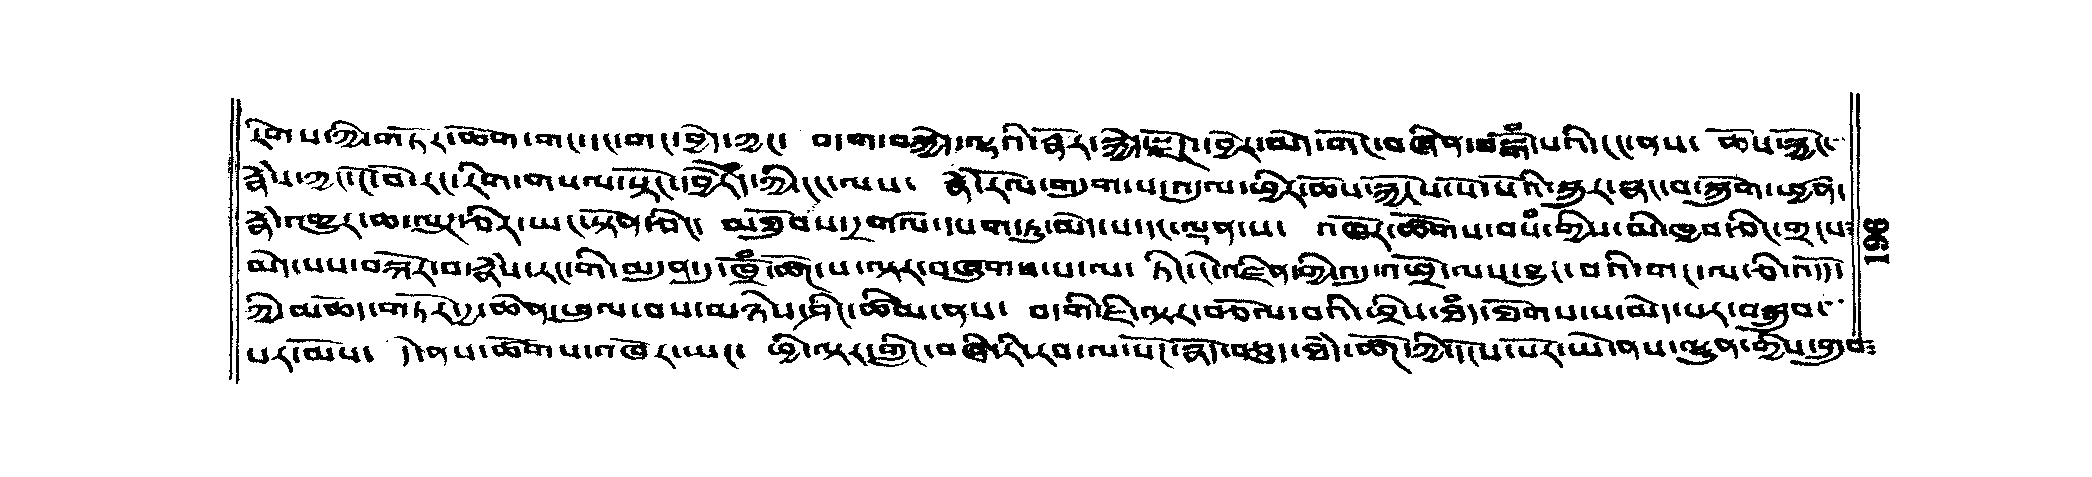རིགས་ཀྱི་གཏོར་ཆོག་གང་དང་གང་བྱེད་ཀྱང་། བདག་བསྐྱེད་ལྷའི་རྣལ་འབྱོར་སྐྱེད་རྫོགས་དབྱེར་མེད་མེད་གོང་བཞིན་བསྒོམ་པའི་ངང་ནས། ཆོས་སྐྱོང་
རྣམས་ཀྱང་ངོ་བོ་རང་རིག་གསལ་སྟོང་དབྱེར་མེད་ཀྱི་ངང་ལས། རྣམ་རོལ་གདུག་པ་འདུལ་ཕྱིར་ཆོས་སྐྱོངས་སོ་སོའི་སྐུར་སྣང་བ་སྐུ་མདོག་ཕྱག་མཚན་
རྣམ་འགྱུར་ཆ་ལུགས་ཅིར་ཡང་སྟོན་ཅིང་། མཐུ་སྟོབས་དྲག་འཚལ་དཔག་ཏུ་མེད་པ་དང་ལྡན་པ། འཁོར་ཚོགས་བསམ་གྱིས་མི་ཁྱབ་ཅིང་གྲངས་
མེད་པས་བསྐོར་བ་རྣམས་རང་གི་མདུན་དུ་ཁྲོམ་ཚོགས་པ་ལྟར་བཞུགས་པ་ལ། ཏིང་ངེ་འཛིན་གྱི་འདུ་འཕྲོ་ལས་བྱུང་བའི་གང་ལ་ཅི་འདོད་
ཀྱི་མཆོད་གཏོར་རྒྱ་ཆེན་ཕུལ་བས་མཉེས་ཤིང་ཚིམ་ནས། བདག་གི་ཇི་ལྟར་བཅོལ་བའི་ཕྲིན་ལས་ཐམས་ཅད་ཐོགས་པ་མེད་པར་བསྒྲུབ་
པར་མོས། དེ་ནས་ཚོགས་འཁོར་ཡང་། ཕྱི་ལྟར་གླིང་བཞི་རི་རབ་ལ་སོགས་སྣོད་བཅུད་ཐམས་ཅད་ཚོགས་ཀྱི་དངོས་པོར་ཡེ་ནས་ལྷུན་གྱིས་གྲུབ་